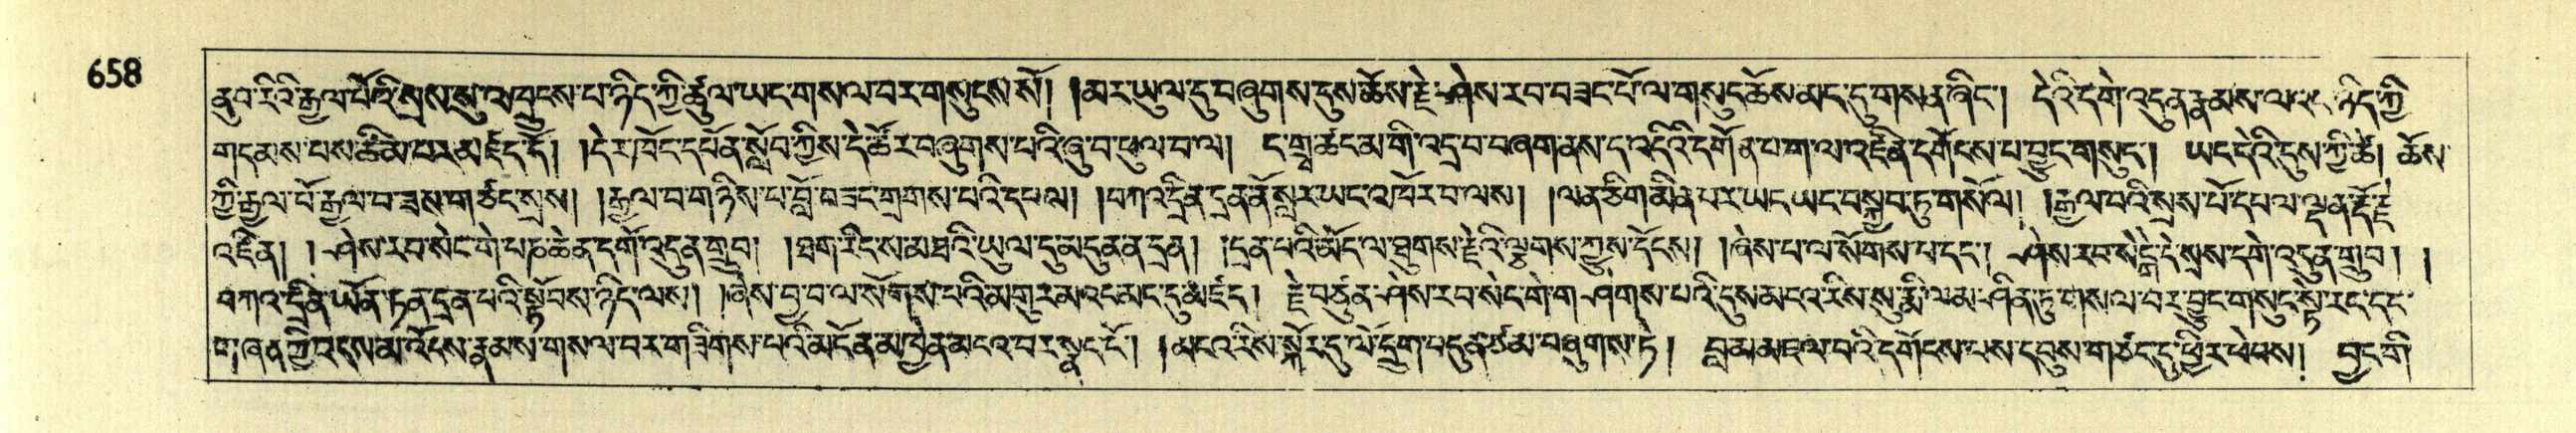ནུབ་རིའི་རྒྱལ་པོའི་སྲས་སུ་འཁྲུངས་པ་ཉིད་ཀྱི་ཚུལ་ཡང་གསལ་བར་གསུངས་སོ། །མར་ཡུལ་དུ་བཞུགས་དུས་ཆོས་རྗེ་ཤེས་རབ་བཟང་པོ་ལ་གསུང་ཆོས་མང་དུ་གསན་ཞིང་། དེའི་དགེ་འདུན་རྣམས་ལའང་ཉིད་ཀྱི་
གདམས་པས་ཚིམ་བར་མཛད་དོ། །དེར་ཁོང་དཔོན་སློབ་ཀྱིས་དེ་ཚོར་བཞུགས་པའི་ཞུ་བ་ཕུལ་བ་ལ། ད་གྲྭ་ཚང་མ་གི་འདྲ་བ་བཞག་ནས་ད་འདིའི་དགོན་པ་ག་ལ་འཛིན་དགོངས་པ་བྱུང་གསུང་། ཡང་དེའི་དུས་ཀྱི་ཚེ། ཆོས་
ཀྱི་རྒྱལ་པོ་རྒྱལ་བ་ཟས་གཙང་སྲས། །རྒྱལ་བ་གཉིས་པ་བློ་བཟང་གྲགས་པའི་དཔལ། །བཀའ་དྲིན་དྲན་ནོ་སླར་ཡང་འཁོར་བ་ལས། །ལན་ཅིག་མིན་པར་ཡང་ཡང་བསྐྱབ་ཏུ་གསོལ། །རྒྱལ་བའི་སྲས་པོ་དཔལ་ལྡན་རྡོ་རྗེ་
འཛིན། །ཤེས་རབ་སེང་གེ་པཎ་ཆེན་དགོ་འདུན་གྲུབ། །ཐག་རིང་ས་མཐའི་ཡུལ་དུ་མདུན་ན་དྲན། །དྲན་པའི་མོད་ལ་ཐུགས་རྗེའི་ལྕགས་ཀྱུས་དོངས། །ཞེས་པ་ལ་སོགས་པ་དང་། ཤེས་རབ་སེངྒེ་དེ་སྲས་དགེ་འདུན་གྲུབ། །
བཀའ་དྲིན་ཡོན་ཏན་དྲན་པའི་སྟོབས་ཉིད་ལས། །ཞེས་བྱ་བ་ལ་སོགས་པའི་མགུར་མའང་མང་དུ་མཛད། རྗེ་བཙུན་ཤེས་རབ་སེང་གེ་གཤེགས་པའི་དུས་མངའ་རིས་སུ་རྨི་ལམ་ཤིན་ཏུ་གསལ་བར་བྱུང་གསུང་སྟེ་རང་དང་
གཞན་ཀྱི་འདས་མ་འོངས་རྣམས་གསལ་བར་གཟིགས་པའི་མངོན་མཁྱེན་མངའ་བར་སྣང་ངོ། །མངའ་རིས་སྐོར་དུ་ལོ་དྲུག་བདུན་ཙམ་བཞུགས་ཏེ། བླ་མ་མཇལ་བའི་དགོངས་པས་དབུས་གཙང་དུ་ཕྱིར་ཕེབས། བྱང་གི་